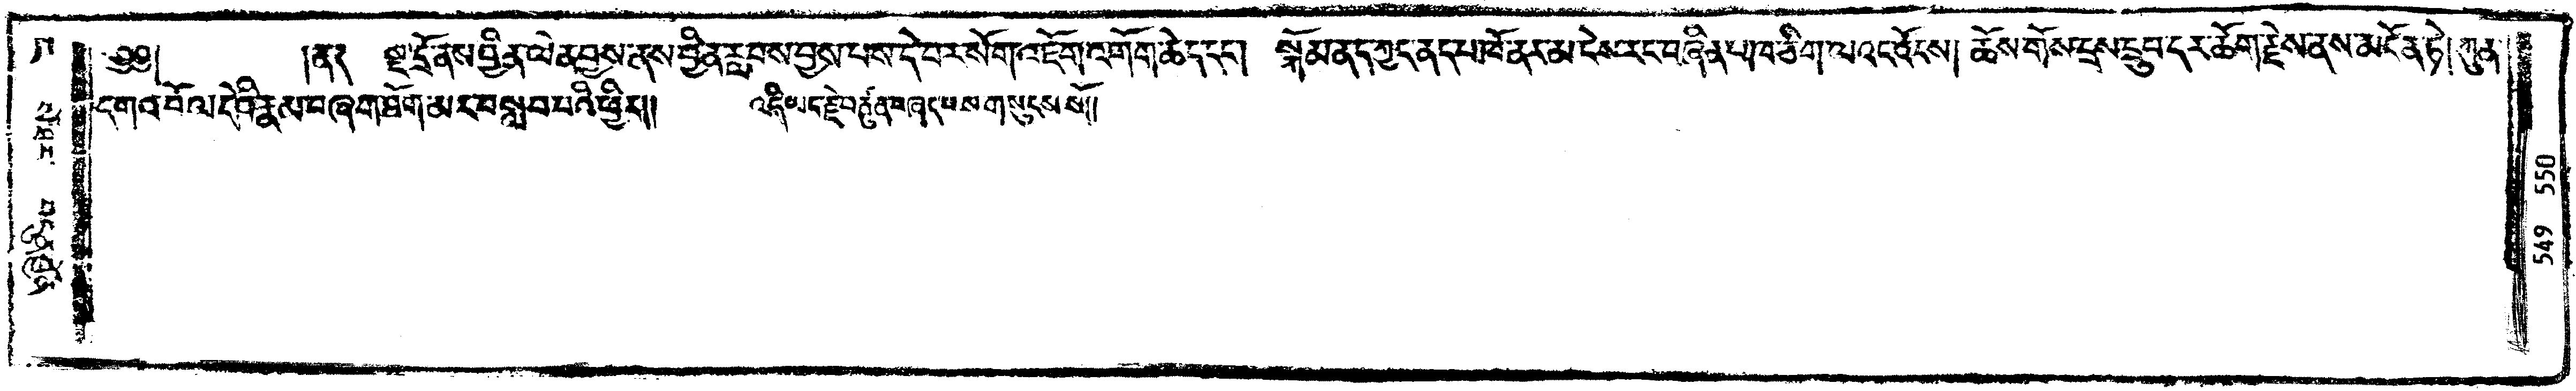༄༅། །ན༑ སྔ་དྲོ་ནས་བྱིན་ལེན་བྱས་ནས་བྱིན་རླབས་བྱས་པས་དེ་བར་སོག་འཇོག་འགོག་ཆེད་དང་། སྐོམ་ནད་ཀྱང་ནད་པ་ཁོ་ནར་མ་ངེས་རང་བཞིན་པ་ཁ་ཅིག་ལའང་འོངས། ཆོས་གོས་དྲས་དྲུབ་དར་ཆོག་རྗེས་ནས་མངོན་ཏེ། ཀུན་
དགའ་བོ་ལ་དེའི་རྣམ་བཞག་ཐོག་མར་བསླབ་པའི་ཕྱིར།། འདི་ཡང་རྗེ་བཙུན་བཞད་པས་གསུངས་སོ།